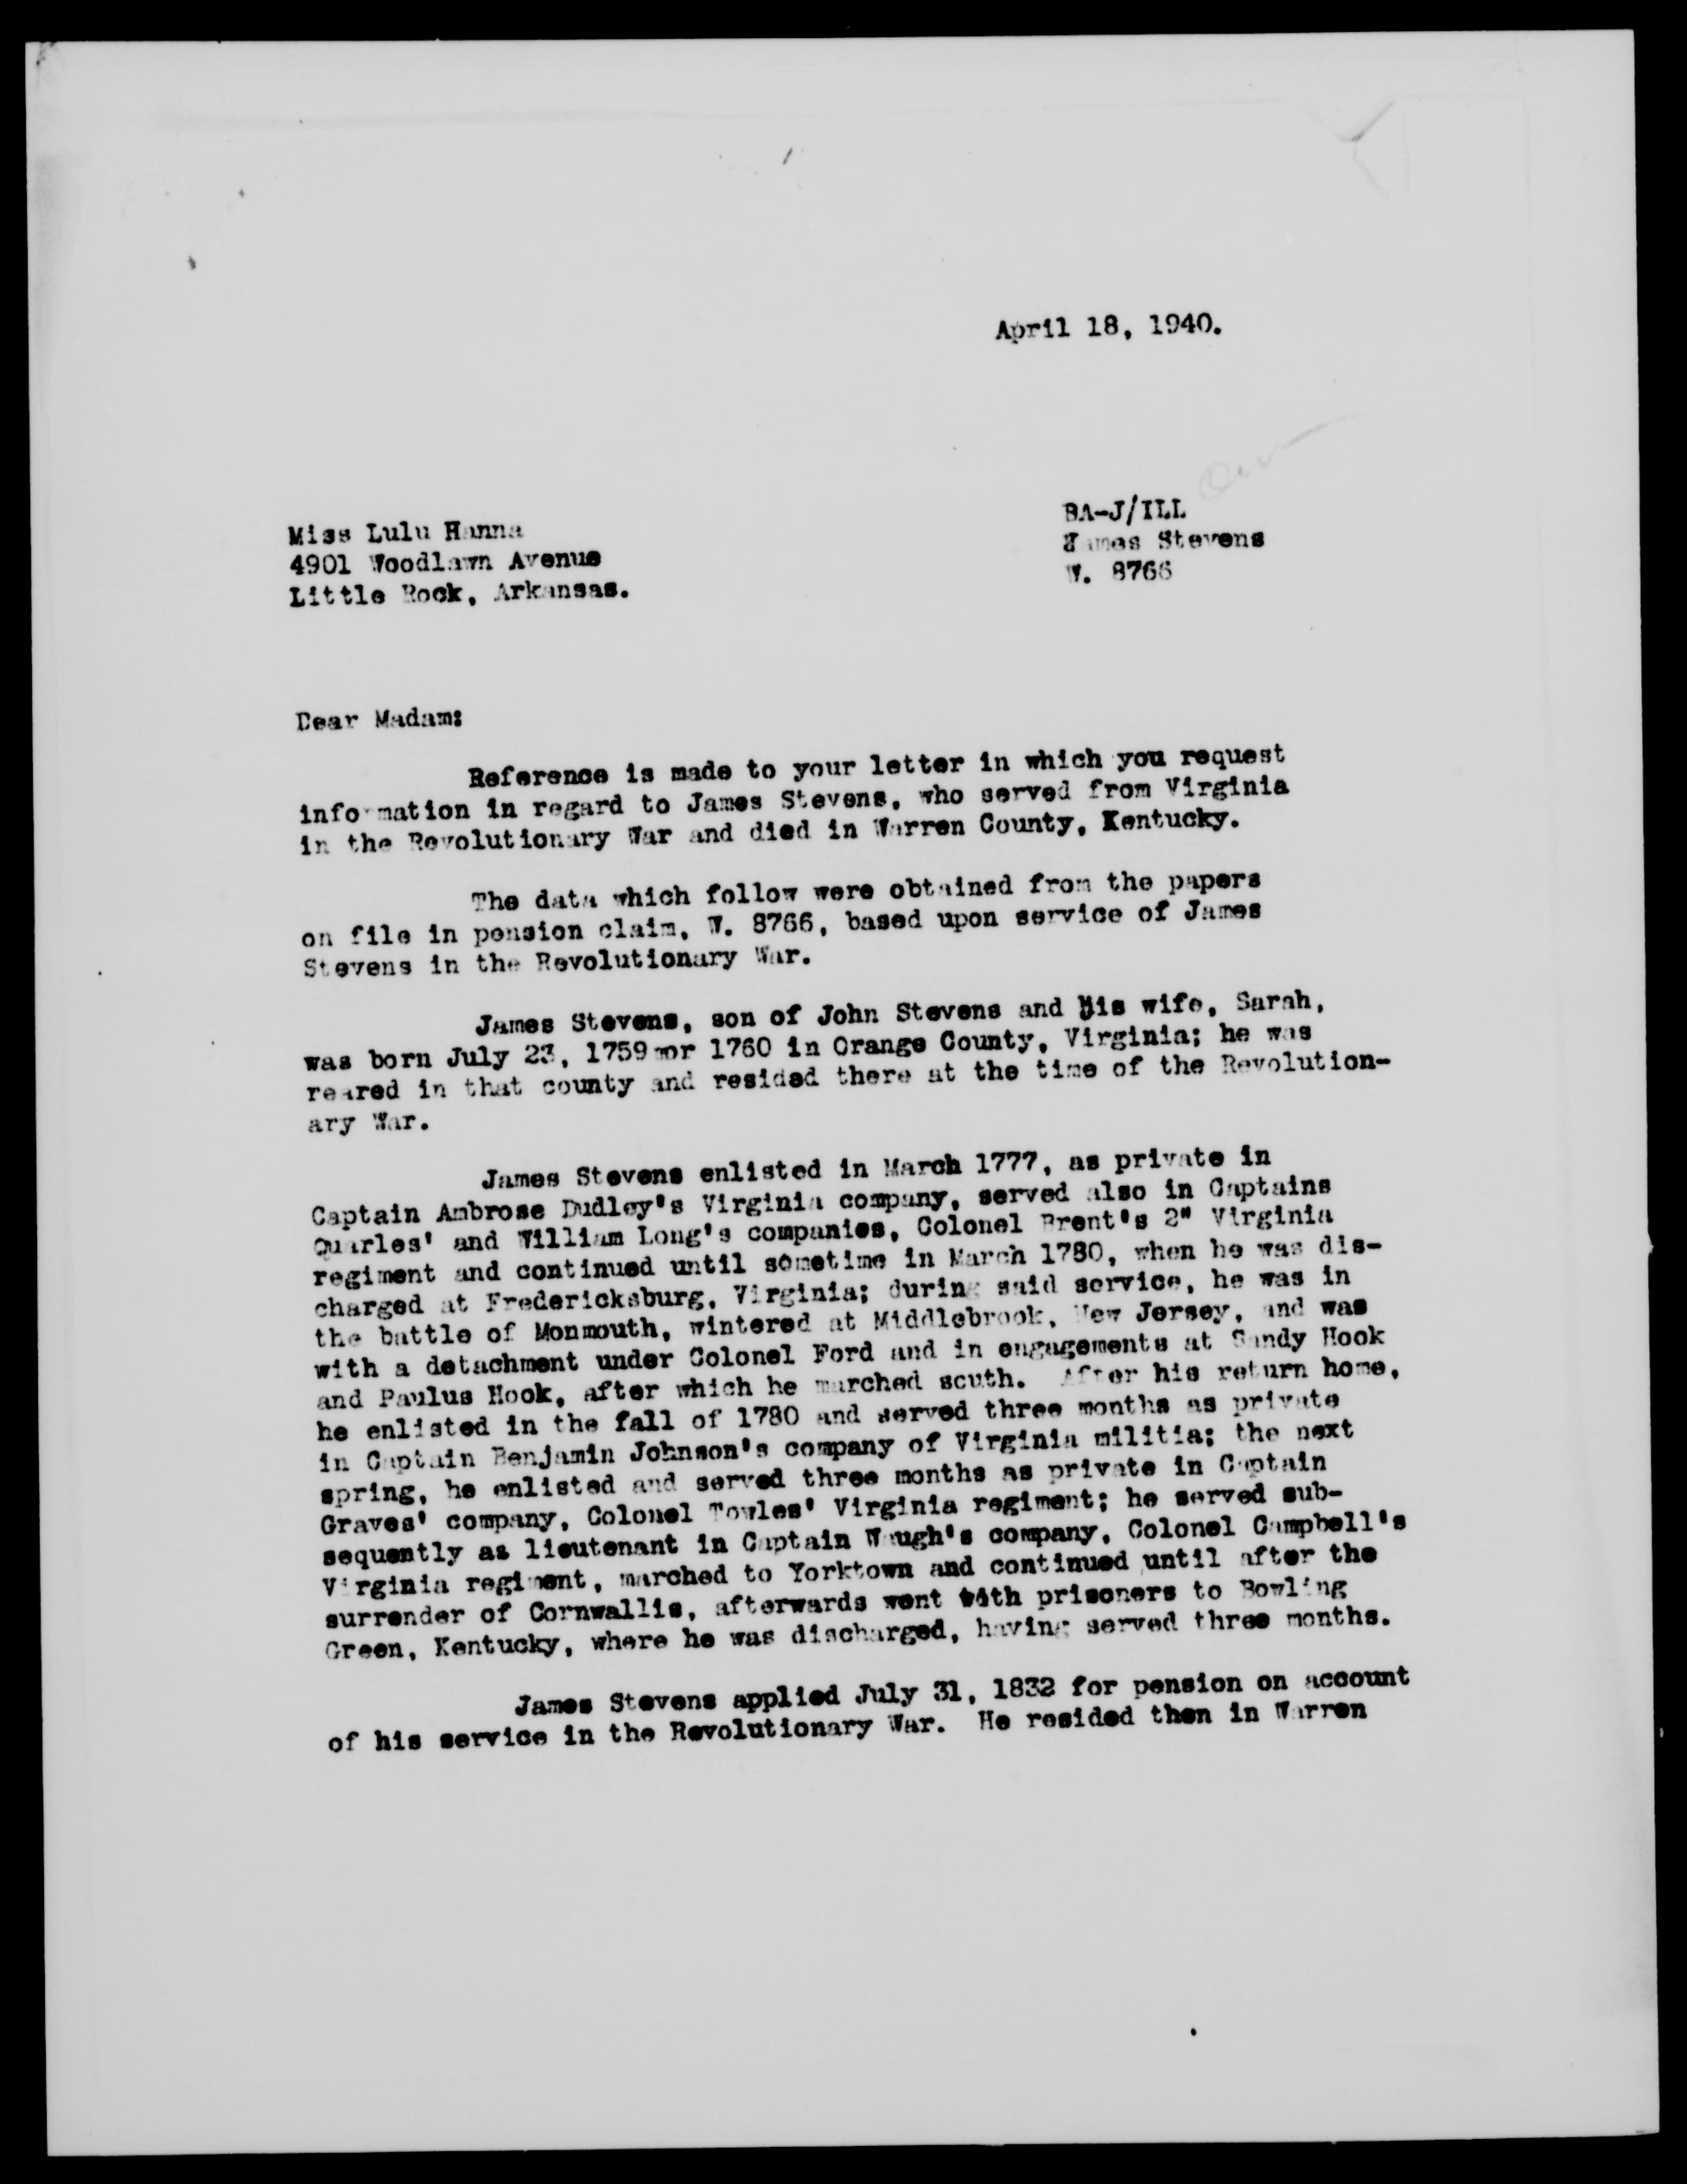April 18, 1940.
Miss Lulu Hanna
4901 Woodlawn Avenue
Little Rock, Arkansas.
Dear Madam:
BA-J/ILL.
James Stevens
W. 8766
Dear Madam:
Reference is made to your letter in which you request information in regard to James Stevens, who served from Virginia in the Revolutionary War and died in Warren County, Kentucky.
The data which follow were obtained from the papers on file in pension claim, W. 8766, based upon service of James Stevens in the Revolutionary War.
James Stevens, son of John Stevens and his wife, Sarah, was born July 23, 1759 or 1760 in Orange County, Virginia; he was reared in that county and resided there at the time of the Revolutionary War.
James Stevens enlisted in March 1777, as private in Captain Ambrose Dudley's Virginia company, served also in Captains
Quarles' and William Long's companies, Colonel Brent's 2nd Virginia
regiment and continued until sometime in March 1780, when he was discharged
at Fredericksburg, Virginia; during said service, he was in the battle of Monmouth, wintered at Middlebrook, New Jersey, and was
with a detachment under Colonel Ford and in engagements at Sandy Hook and Paulus Hook, after which he marched south. After his return home, he enlisted in the fall of 1780 and served three months as private in Captain Benjamin Johnson's company of Virginia militia; the next
spring, he enlisted and served three months as private in Captain Graves' Company, Colonel Towles' Virginia regiment; he served subsequently as lieutenant in Captain Waugh's Company, Colonel Campbell's
Virginia regiment, marched to Yorktown and continued until after the
surrender of Cornwallis, afterwards went with prisoners to Bowling
Green, Kentucky, where he was discharged, having served three months.
James Stevens applied July 31,1832 for pension on account of his service in the Revolutionary War. He resided then in Warren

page: 19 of 99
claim: widow's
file: W 8766, for James Stevens, Virginia